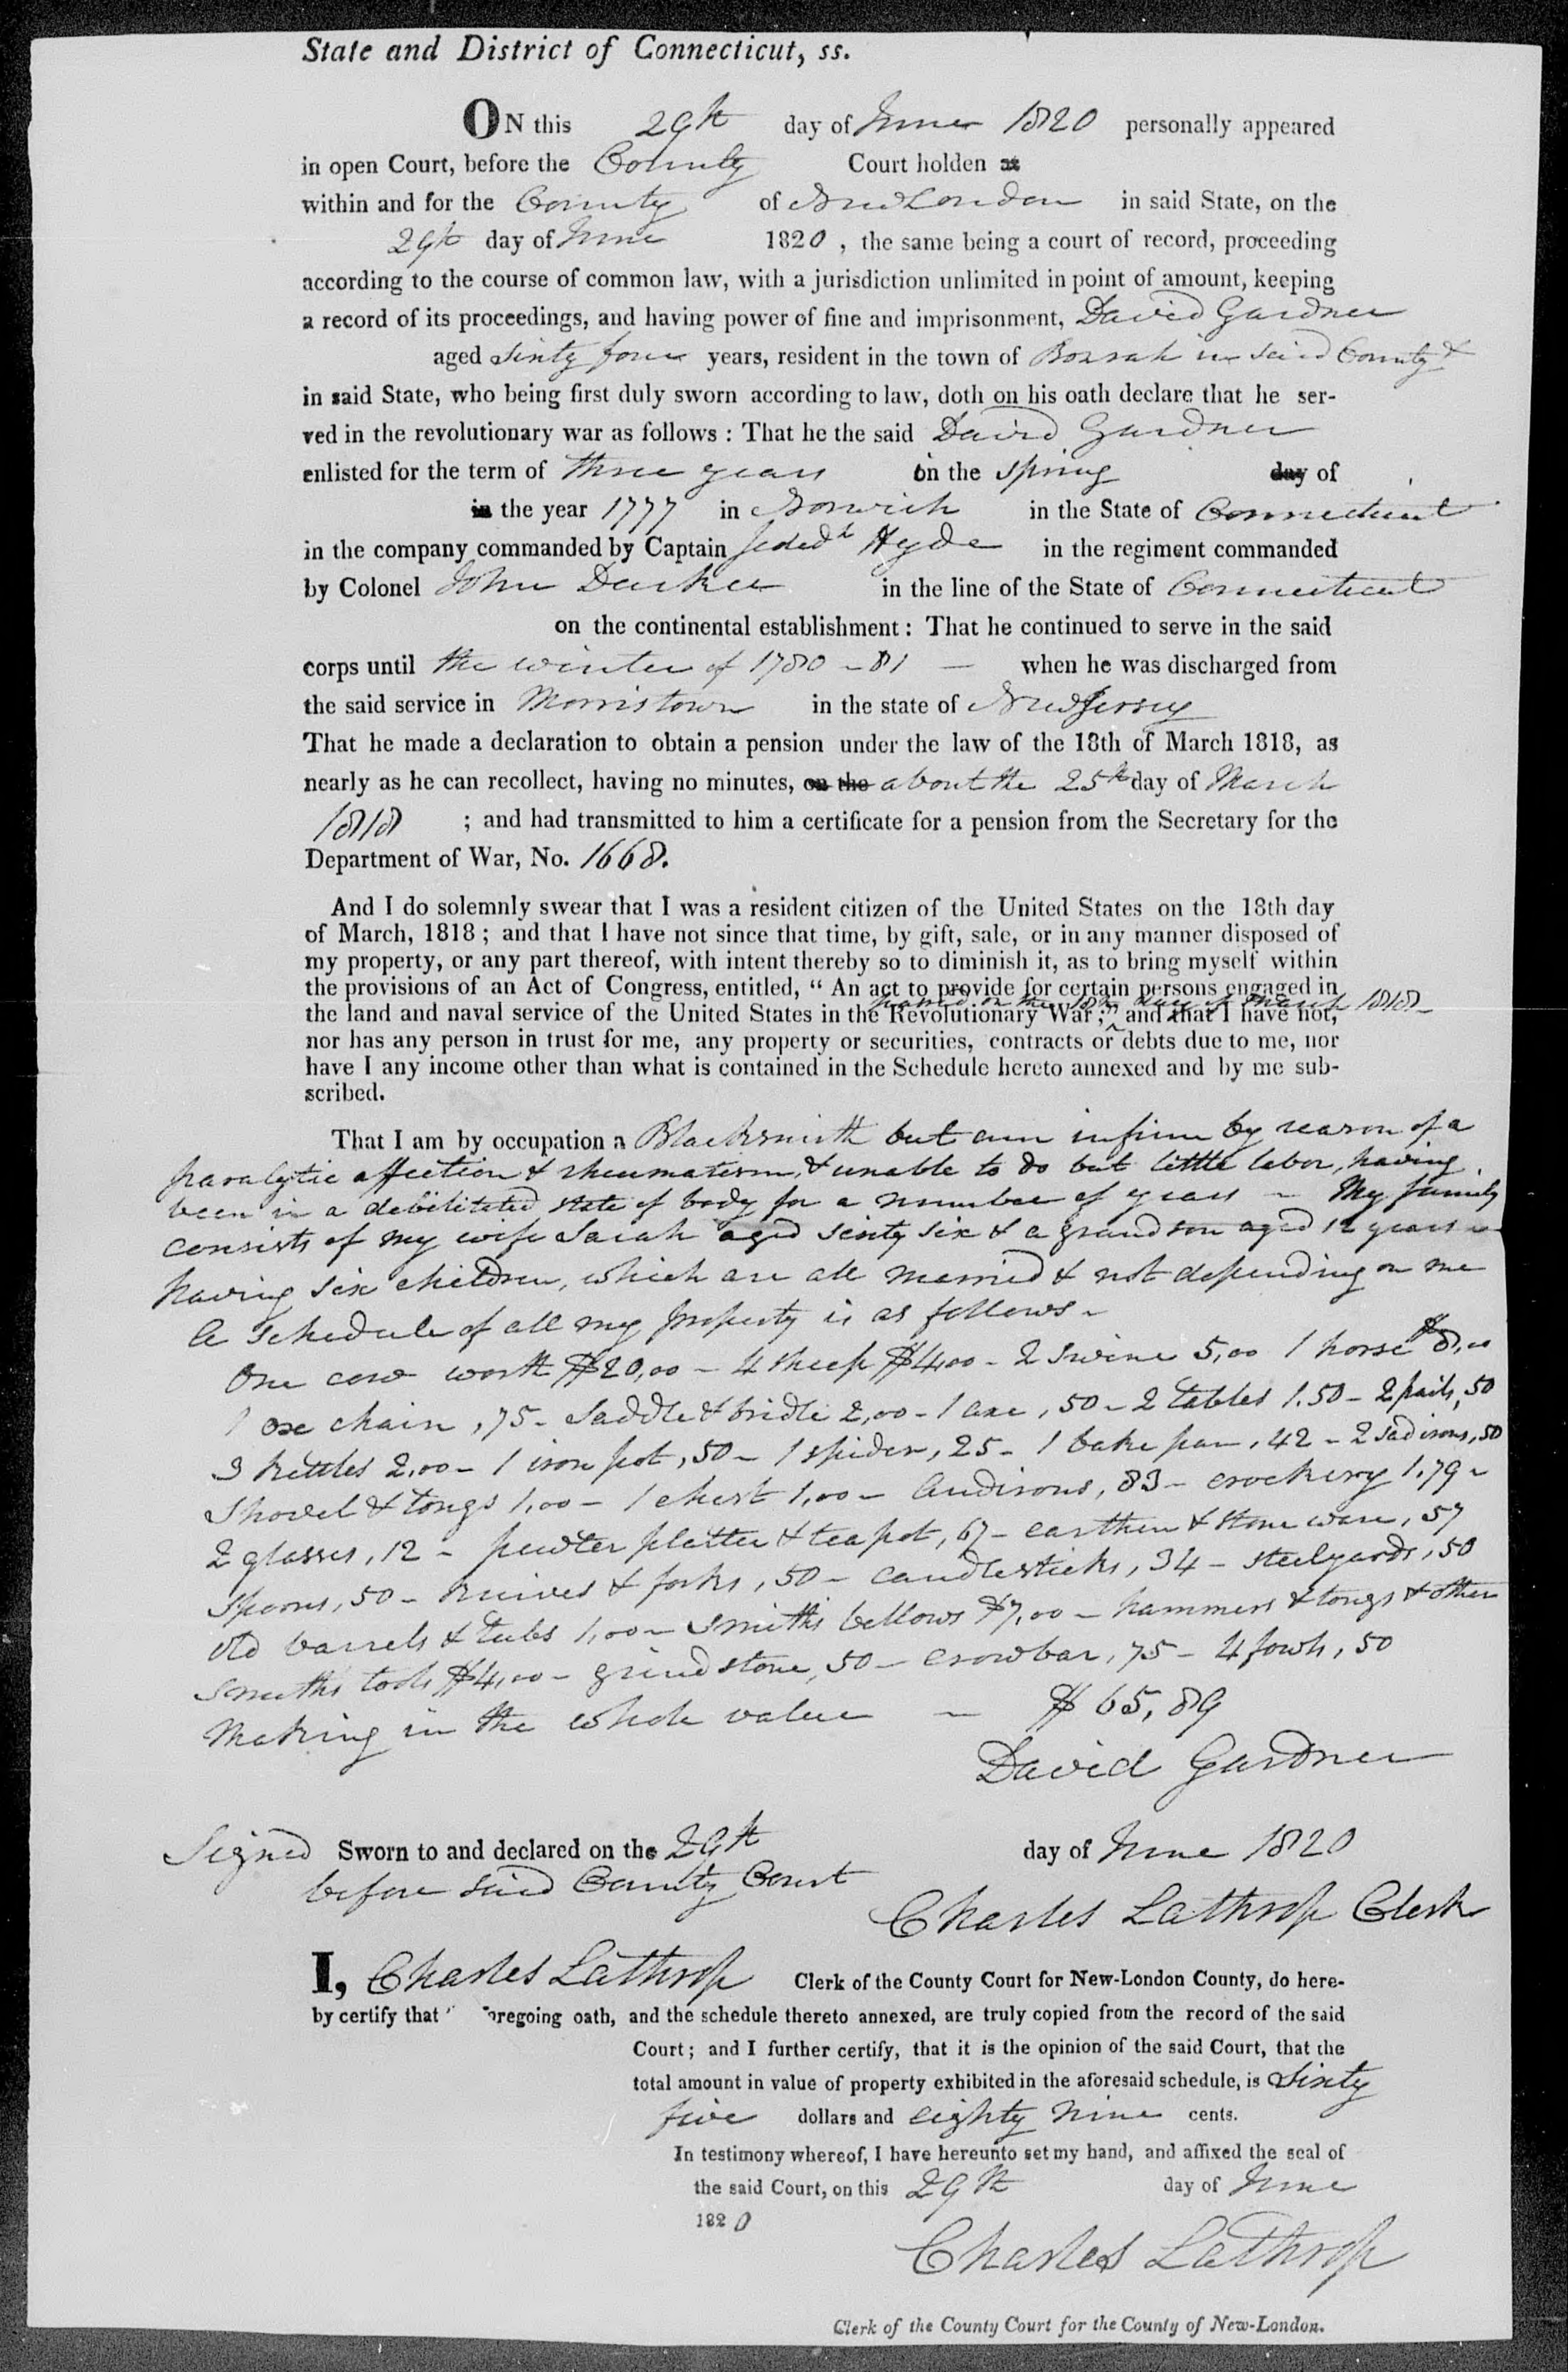State and District of Connecticut, ss.

On this 29th day of June 1820 personally appeared in open Court, before the County Court holden at within and for the County of New  London in said State, on the 29th day of June 1820, the same being a court of record, proceeding according to the course of common law, with a jurisdiction unlimited in point of amount, keeping a record of its proceedings, and having power of fine and imprisonment, David Gardner aged sixty four years, resident in the town of Bozrah in said County in said State, who being first duly sworn according to law, doth on his oath declare that he served
in the revolutionary war as follows: That he the said David Gardner enlisted for the term of three years on the Spring of the year 1777 in Norwich in the State of Connecticut in the company commanded by Captain Jedediah Hyde in the regiment commanded by Colonel John Durkee in the line of the State of Connecticut on the continental establishment: That he continued to serve in the said corps until the winter of 1708-01 - when he was discharged from the said service in Morristown in the state of New Jersey.
That he made a declaration to obtain a pension under the law of the 18th of March 1818, as nearly as he can recollect, having no minutes, about the 25th day of March 1818; and had transmitted to him a certificate for a pension from the Secretary for the Department of War, No. 1668.
And I do solemnly swear that I was a resident citizen of the United States on the 18th day of March, 1818; and that I have not since that time, by gift, sale, or in any manner disposed of my property, or any part thereof, with intent thereby so to diminish it, as to bring myself within the provisions of an Act of Congress, entitled, "An act to provide for certain persons engaged in
the land and naval service of the United States in the Revolutionary War; [handwritten between text] named on the 18th day of March 1818 and that I have not, nor has any person in trust for me, any property or securities, contracts or debts due to me, nor have I any income other than what is contained in the Schedule hereto annexed and by me subscribed.
That I am by occupation a Blacksmith but am infirm by reason of a paralytic affection of rheumatism and unable to do but little labor having
been in a debilitated state of body for a number of years. My family
consists of my wife Sarah age sixty six and a grandson aged 12 years,
having six children, which are all married & not depending on me.
A schedule of all my property is as follows ~
One cow worth $20.00~ 4 sheep $4.00 ~ 2 swine 5.00 1 horse $8.00
hose chain .75~ saddle & bridle 2.00 ~ 1 axe .50 ~ 2 tables 1.50 ~ 2 pails .50 2 kettles 2.00 ~ 1 iron pot .50 ~ 1 spider .25 ~ 1 bake pan .42 ~ 2 sad irons .50
shovel & tongs 1.00 ~ 1 chest 1.00 ~ Andirons .83 ~  crockery 1.79 ~
2 glasses .12 ~ pewter platter & teapot .67 ~ earthen & home ware .57
spoons .50 ~ knives & forks .50 ~ candlesticks .34 ~ steelyards .50
old barrels & tubs 1.00 ~ smith's bellows $7.00 ~ hammer & tongs & other
smith's tools $4.00 ~ grindstone .50 ~ crowbar .75 ~ 4 bowls .50
making in the whole value ~ $65.89
David Gardner

Signed Sworn to and declared on the 29th day of June 1820
before said County Court
Charles Lathrop, Clerk

I, Charles Lathrop Clerk of the County Court for New-London County, do hereby certify that the foregoing oath, and the schedule thereto annexed, are truly copied from the record of the said Court; and I further certify, that it is the opinion of the said Court, that the total amount in value of property exhibited in the aforesaid schedule is Sixty five dollars and eighty nine cents.
In testimony whereof, I have hereunto set my hand, and affixed the seal of
the said Court, on this 29th day of June 1820
Charles Lathrop
Clerk of the County Court for the County of New-London.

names: David Gardner, David Gardner, Charles Lathrop, Jededh Hyde, John Durkee, David Gardner, Charles Lathrop, Sarah, Charles Lathrop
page: 10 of 66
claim: widow's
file: W 1850, David Gardner, Conn.